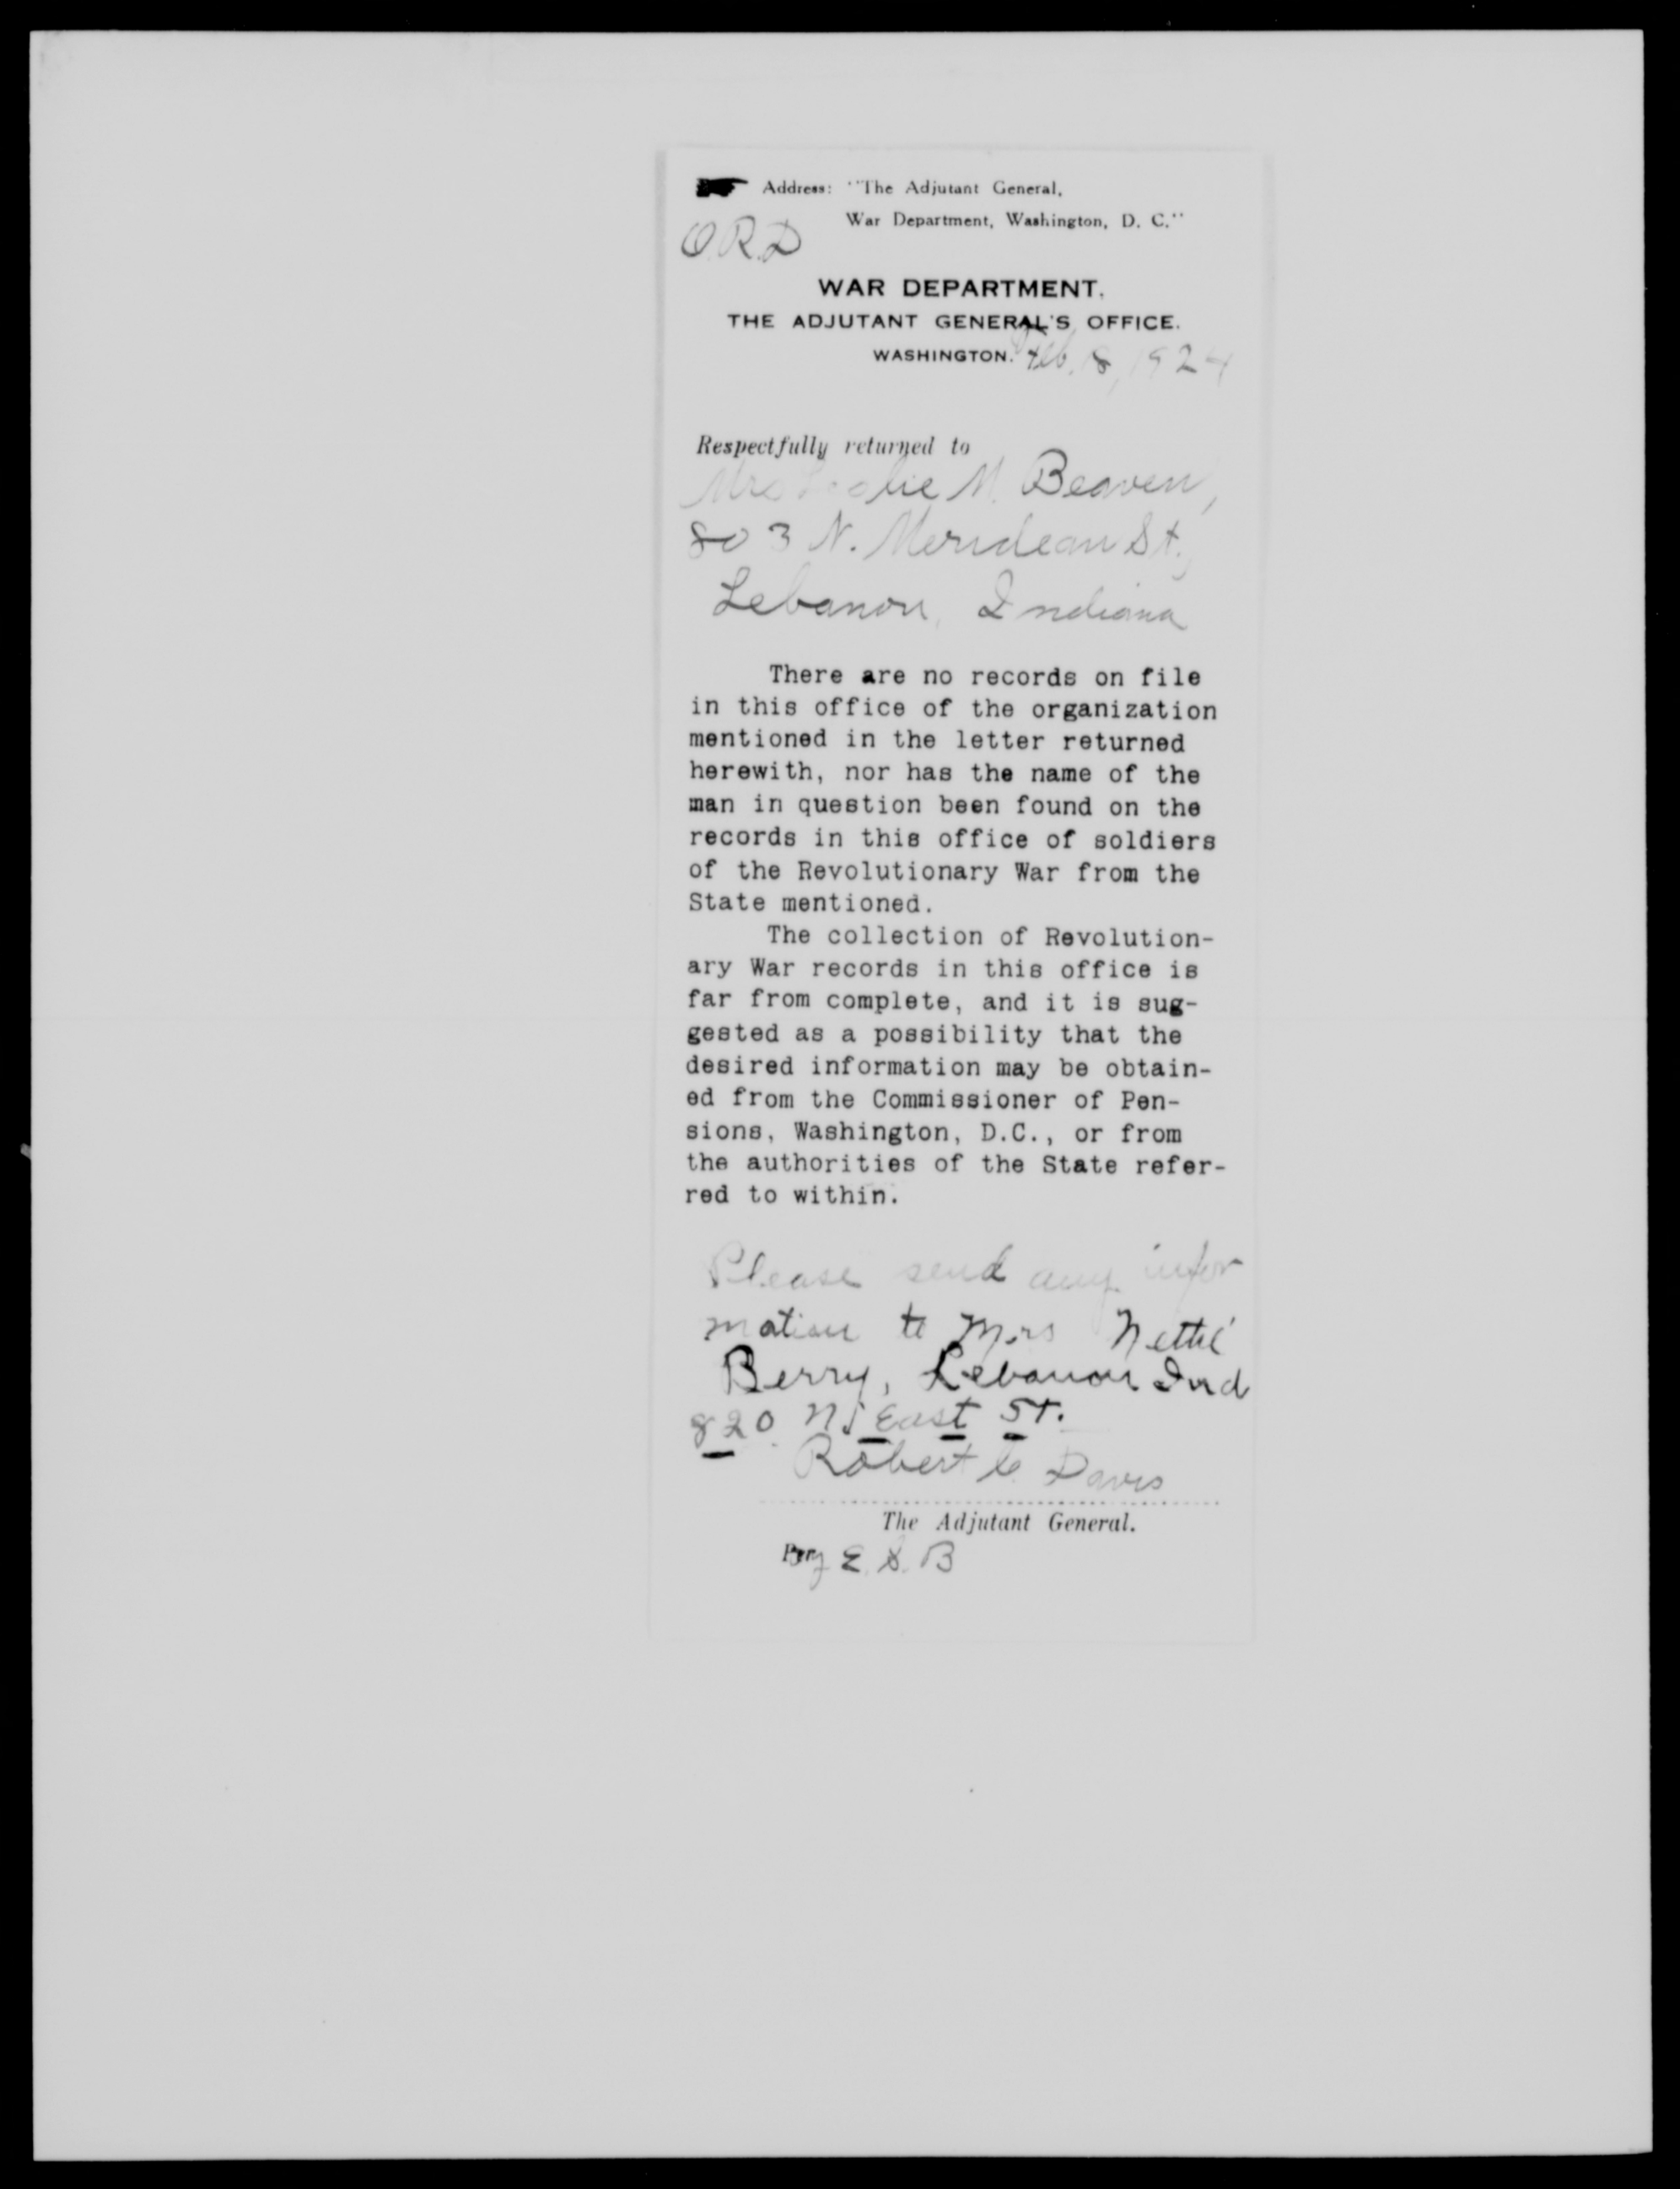Address: The Adjutant General,
ORD
War Department, Washington, D. C.
WAR DEPARTMENT.
THE ADJUTANT GENERAL'S OFFICE.
WASHINGTON Feb 8 1924
Respectfully returned to
Mra Leslie M Beaven
803 N. Meridean St.
Lebanon Indiana
There are no records on file
in this office of the organization
mentioned in the letter returned
herewith, nor has the name of the
man in question been found on the
records in this office of soldiers
of the Revolutionary War from the
State mentioned.
The collection of Revolutionary
War records in this office is
far from complete, and it is suggested
as a possibility that the
desired information may be obtained
from the Commissioner of Pensions, Washington, D.C., or from
the authorities of the State referred
to within.
Please send any information to Mrs Netti
Berry, Lebanon Ind
820 N East St
Robert C Davis
The Adjutant General.
By ESB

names: Nettie Berry, Leslie M Beaven, Robert C Davis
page: 57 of 123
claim: rejected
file: R. 11,949, Matthias Young, Md.